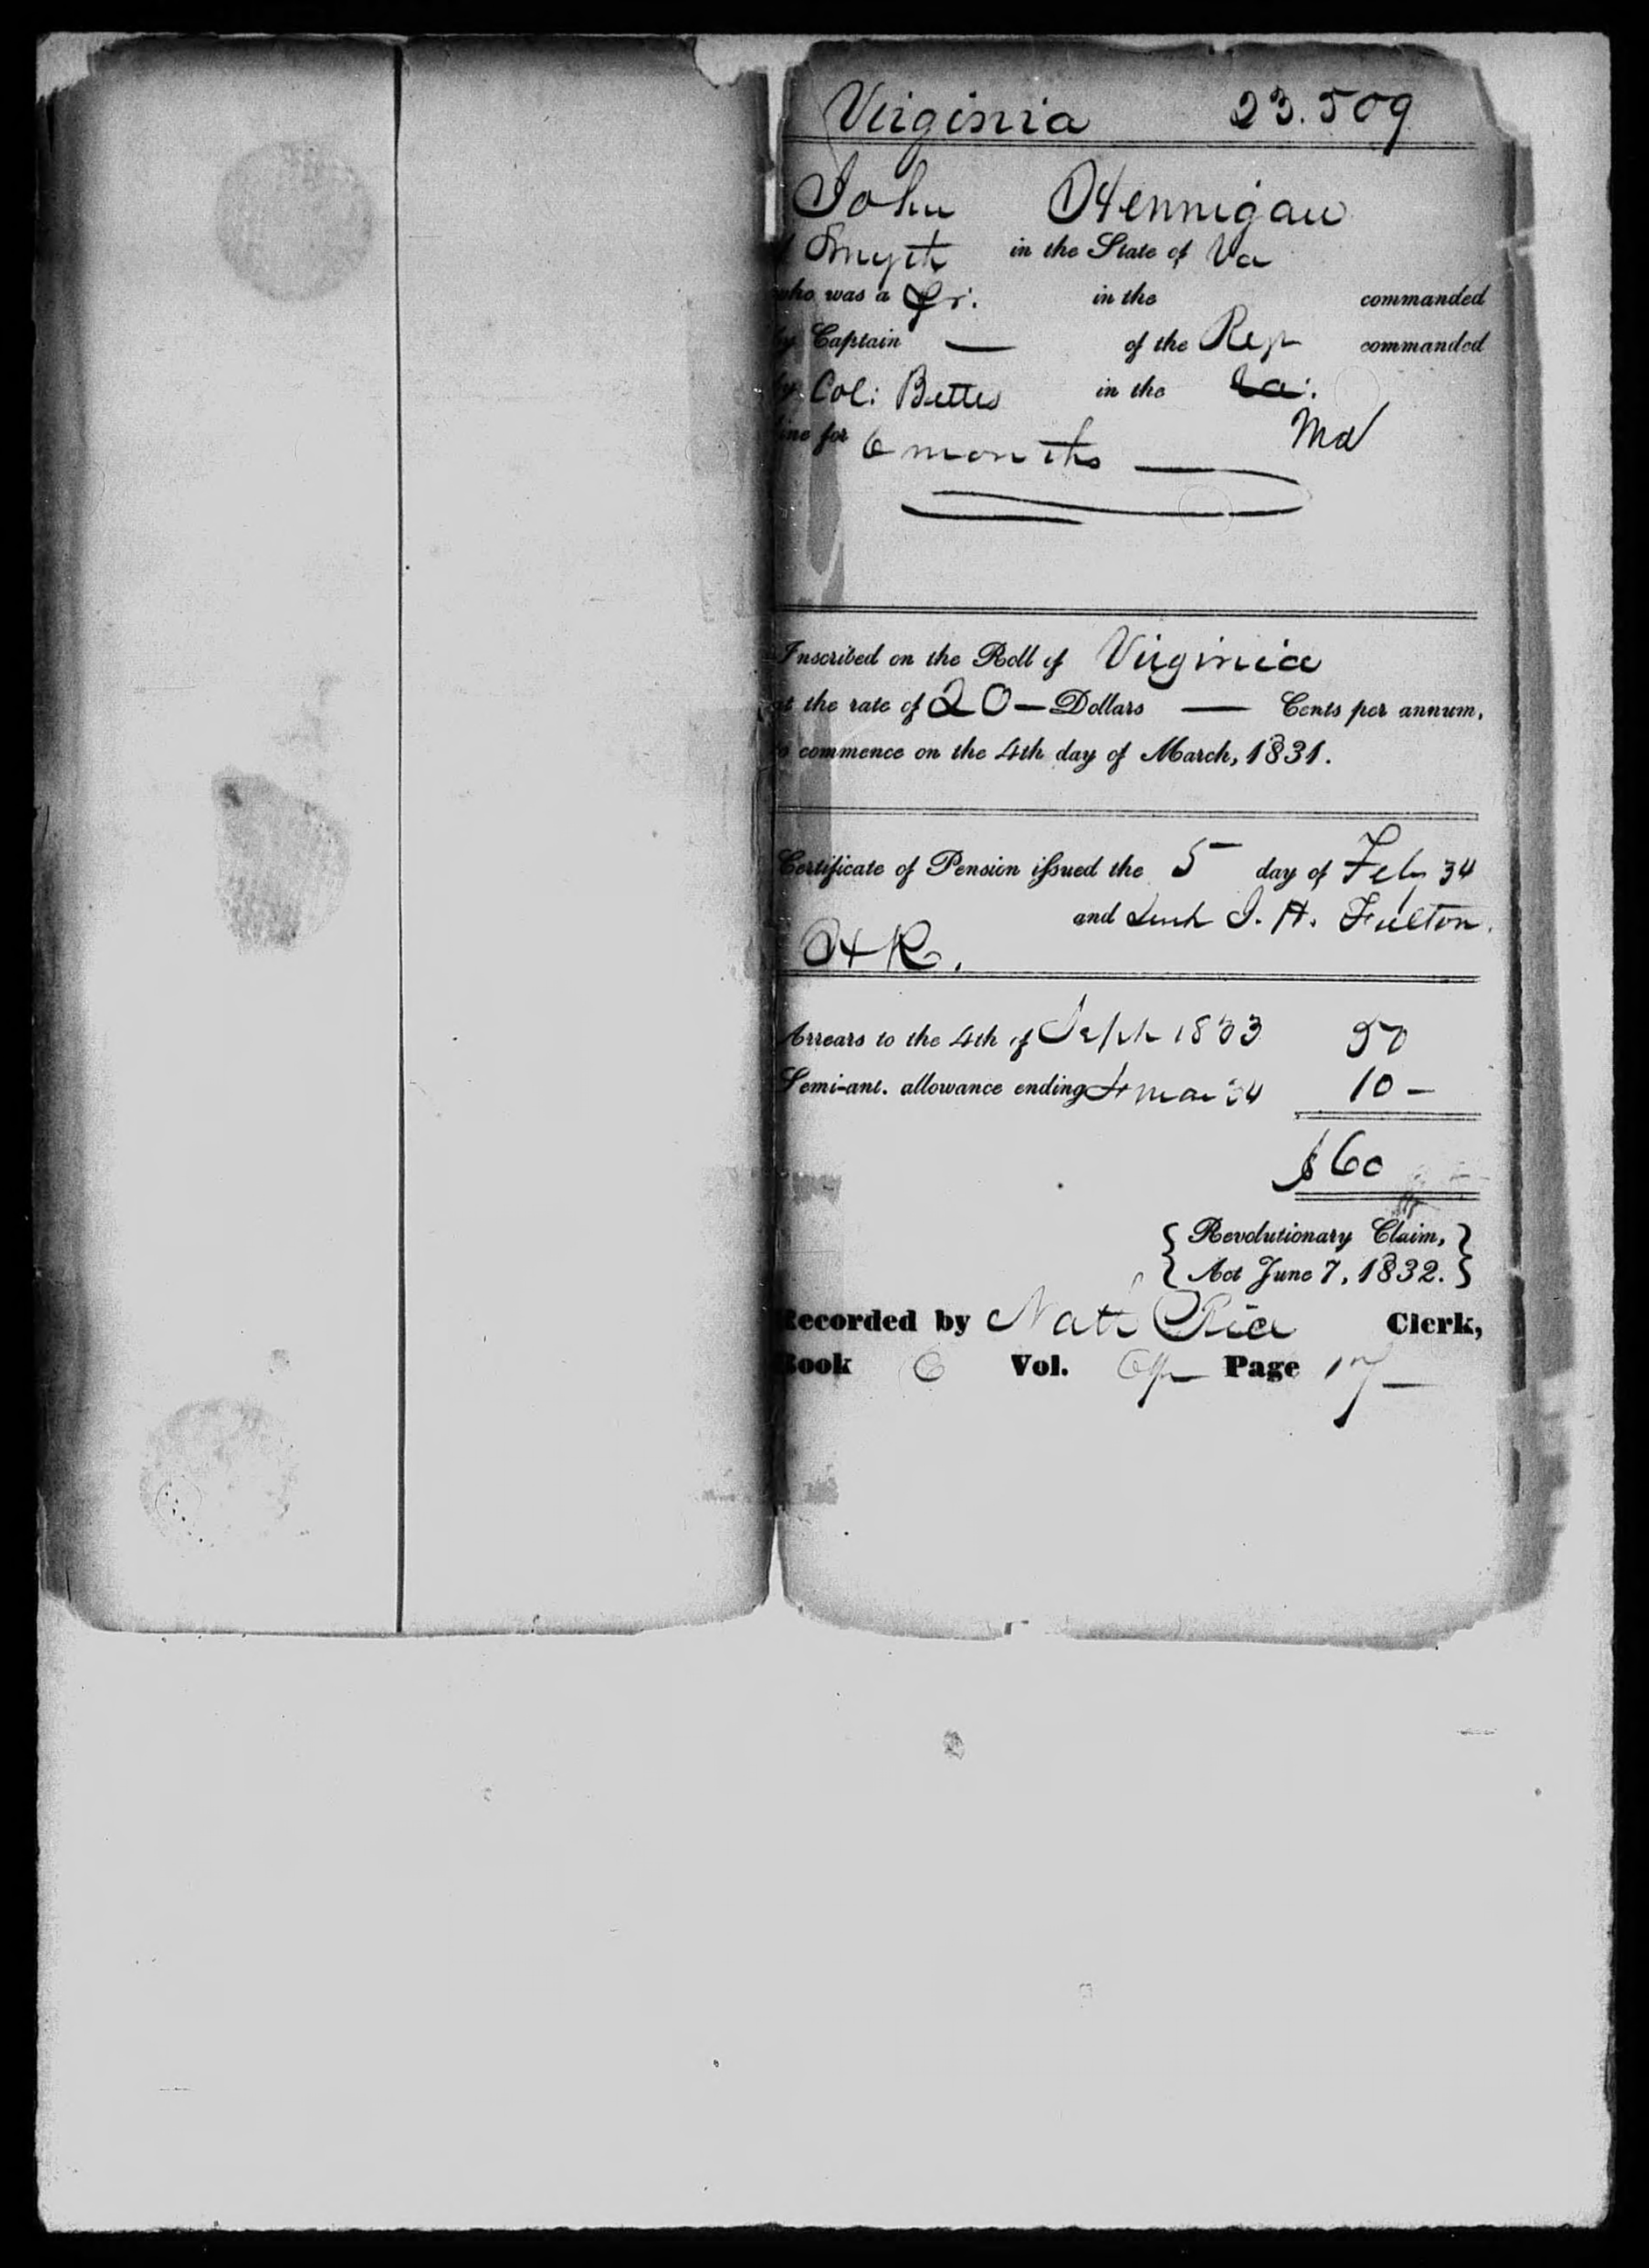Virginia 23509
John Hennigar
of Smyth in the state of VA
who was a Pri in the blank commanded
by Captain blank of the Regt commanded
by Col. Bettes in the MD line
for 6 months

Inscribed on the roll of Virginia
at the rate of 20 dollars per annum
to commence on the 4th day or March, 1831.

Certificate of Pension issued the 5 day of Feb '34 and sent J.H. Fulton H.R.

Arrears tot he 4th of Sept 1833 $50.00
Semi-anl allowance ending 4 Mar '34 $10.00
$60.00

{Revolutionary Claim Act June 7, 1832}

Recorded by Nathl Rice - Clerk
Book C Vol [illegible] Page 17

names: John Hennigan, J H Fulton, Nath Rice, Bettes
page: 2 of 18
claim: survivor's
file: S. 15,884, John Hennigar, Md.